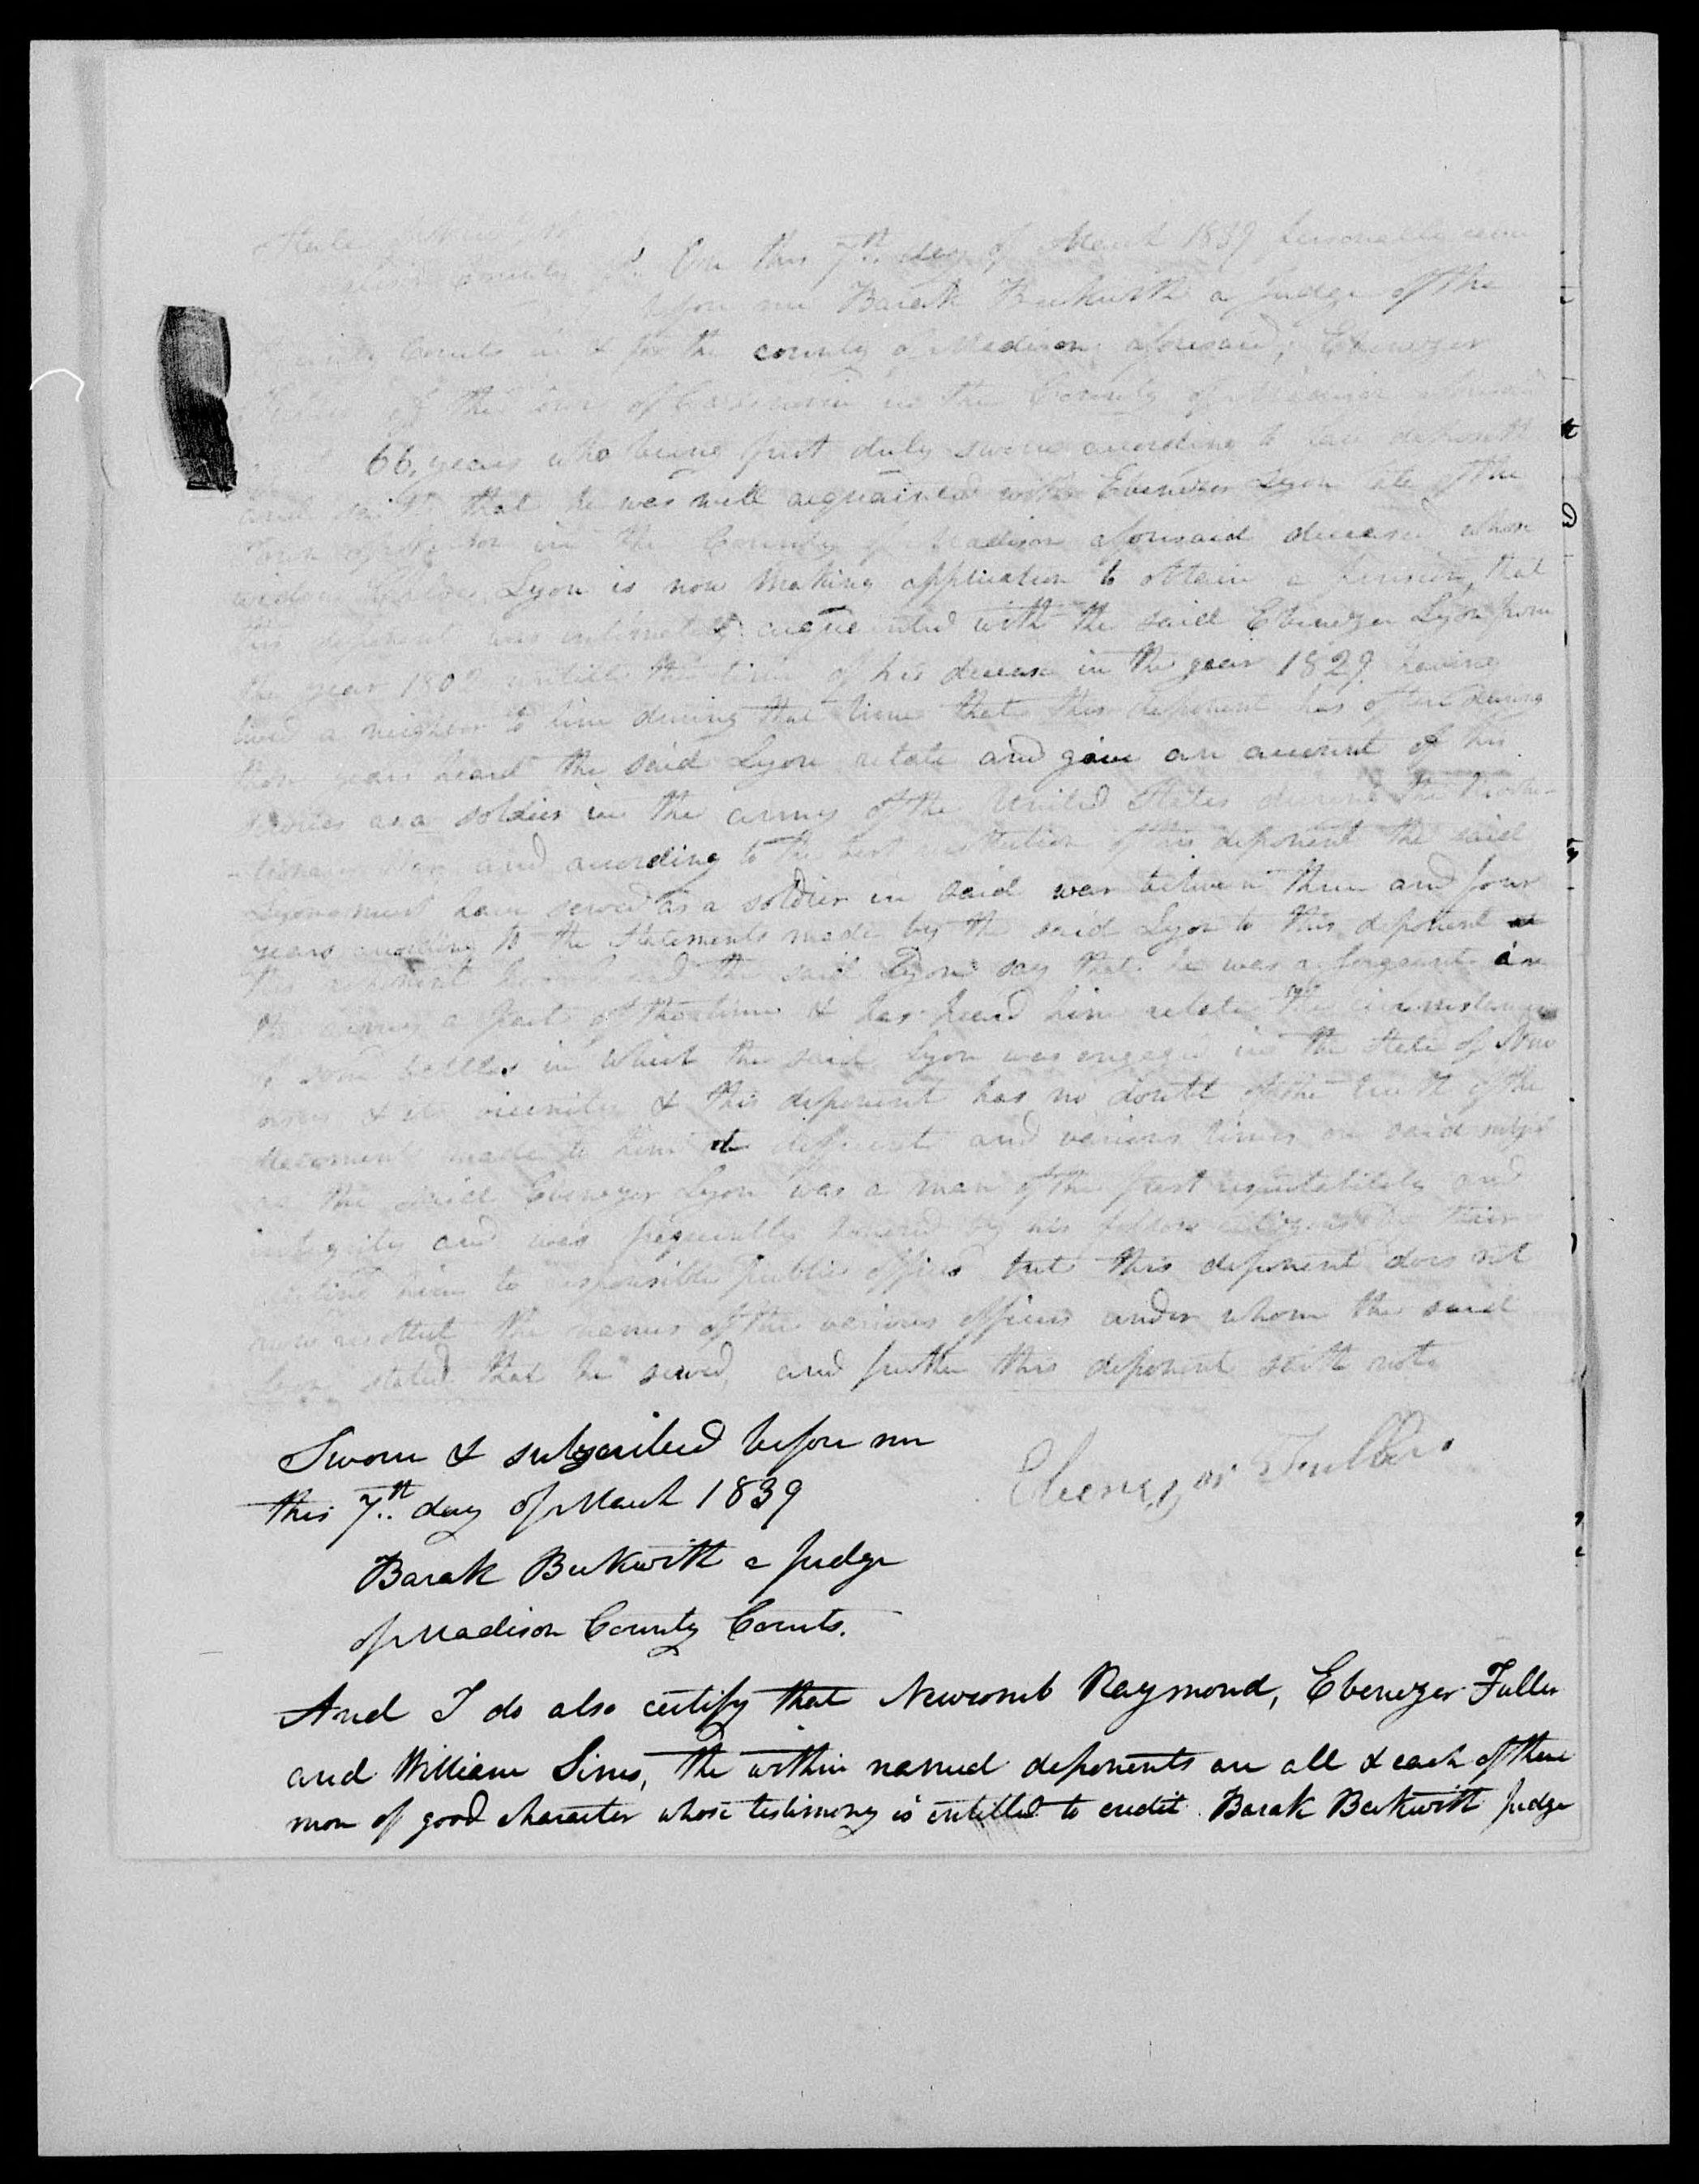State of New York
Madison County ss On this 7th day of March 1839 personally came before me Barak Beckwith a Judge of the County Courts in & for the county of Madison aforesaid, Ebenezer Fuller of the town of Cazenovia in the County of Madison aforesaid aged 66 years who being first duly sworn according to law deposeth and saith that he was well acquainted with Ebenezer Lyon late of the town of Nelson in the County of Madison aforesaid deceased whose widow Chloe Lyon is now making application to obtain a pension, that the deponent was intimately acquainted with the said Ebenezer Lyon from the year 1802 untill the time of his decease in the year 1829, having lived a neighbor to him during that time that this deponent has often during those years heard the said Lyon relate and give an account of his services as a soldier in the army of the United States during the Revolutionary War and according to the best recollection of this deponent the said Lyon must have served as a soldier in said war between three and four years according to the statements made by the said Lyon to this deponent The deponent has heard the said Lyon say that he was a Sergeant in the army a part of the time & has heard him relate the circumstances of some battles in which the said Lyon was engaged in the State of New York & its vicinity & this deponent has no doubt of the truth of the statements made to him at different and various times on said subject as the said Ebenezer Lyon was a man of the first respectability and integrity and was frequently honored by his fellow citizens  by their electing him to responsible public offices but this deponent does not now recollect the names of the various officers under whom the said Lyon stated that he served, and further this deponent saith not
Ebenezer Fuller [Signature]

Sworn & subscribed before me this 7th day of March 1839
Barak Beckwith a Judge of Madison County Courts.
And I do also certify that Newcomb Raymond, Ebenezer Fuller and William Sims, the within named deponents are all & each of them men of good character whose testimony is entitled to credit  Barak Beckwith Judge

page: 10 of 40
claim: widow's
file: W. 24,615, for Ebenezer Lyon, Connecticut